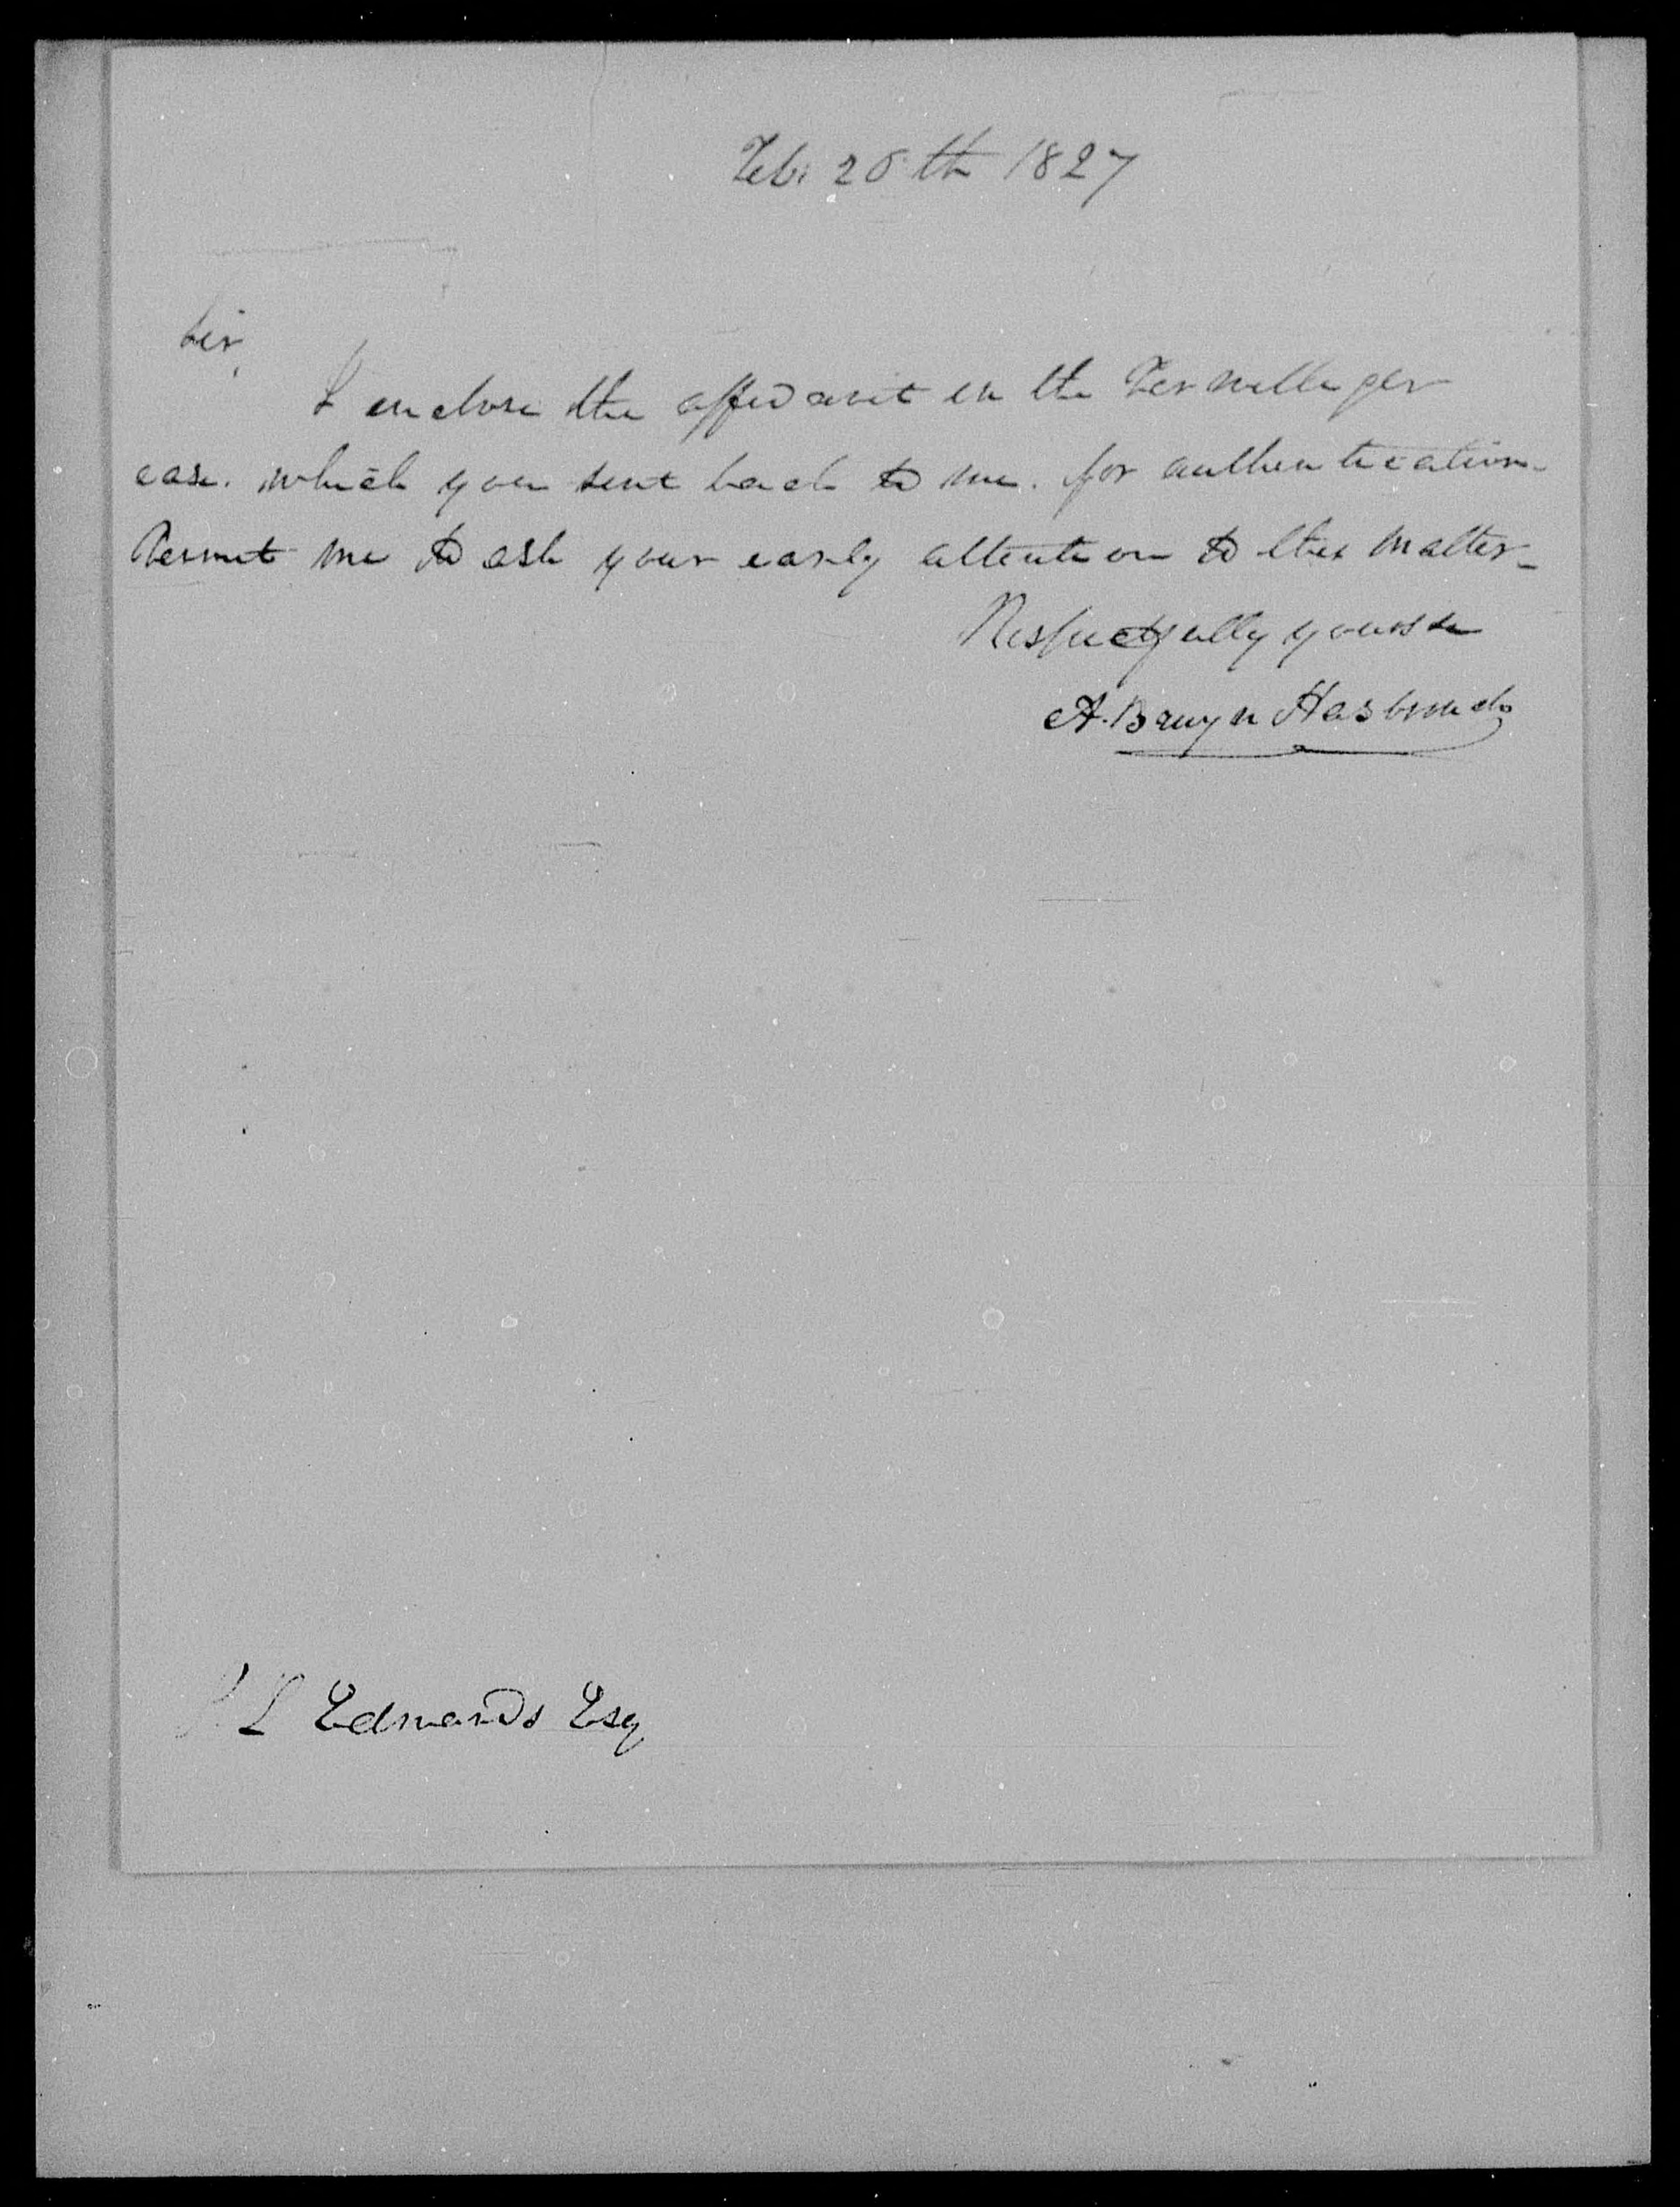Feb. 20th 1827
Sir
I enclose the affidavit in the Terwilliger case
which you sent back to me for authentication
me as your early attention to this matter
Respectfully yours
Edwards Esq
A. Brugh Husband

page: 57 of 64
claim: survivor's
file: S. 42,464, for William Terwilliger, New York